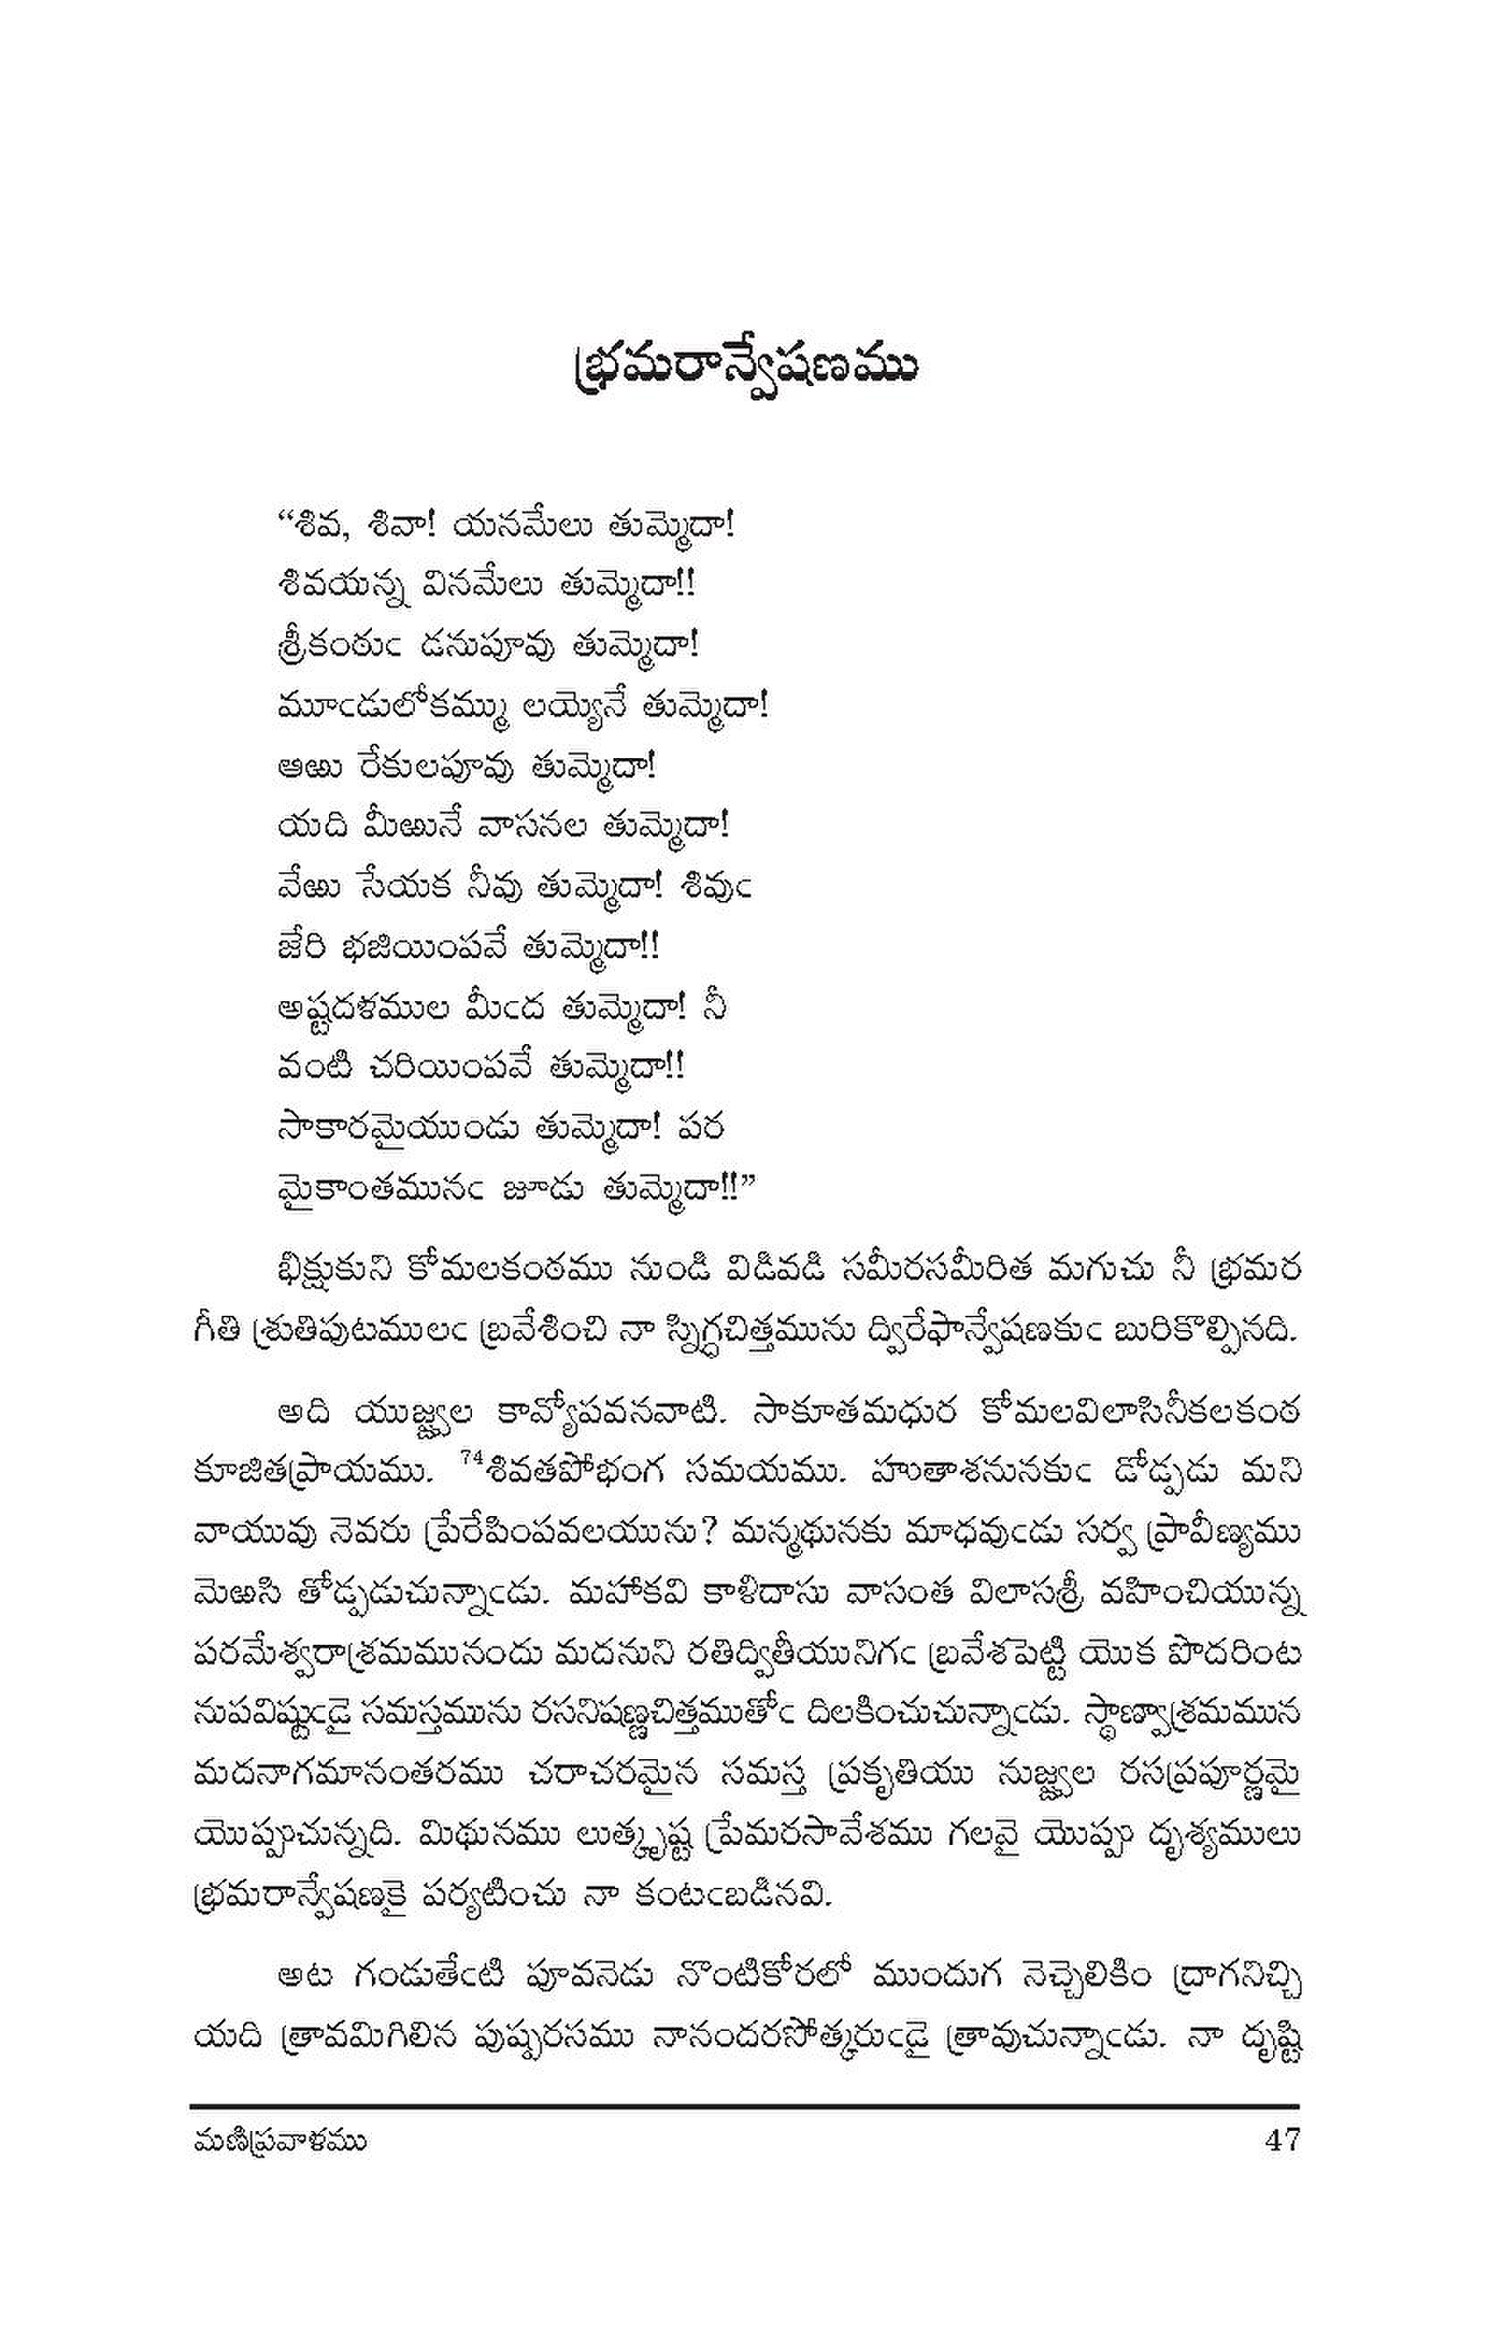"శివ, శివా! యనమేలు తుమ్మెదా!
శివయన్న వినమేలు తుమ్మెదా!!
శ్రీకంఠుఁ డనుపూవు తుమ్మెదా!
మూఁడులోకమ్ము లయ్యెనే తుమ్మెదా!
ఆఱు రేకులపూవు తుమ్మెదా!
యది మీఱునే వాసనల తుమ్మెదా!
వేఱు సేయక నీవు తుమ్మెదా! శివుఁ
జేరి భజియింపవే తుమ్మెదా!!
అష్టదళముల మీఁద తుమ్మెదా! నీ
వంటి చరియింపవే తుమ్మెదా!!
సాకారమైయుండు తుమ్మెదా! పర
మైకాంతమునఁ జూడు తుమ్మెదా!!”

భిక్షుకుని కోమలకంఠము నుండి విడివడి సమీరసమీరిత మగుచు నీ భ్రమర
గీతి శ్రుతిపుటములఁ బ్రవేశించి నా స్నిగ్ధచిత్తమును ద్విరేఫాన్వేషణకుఁ బురికొల్పినది.

అది యుజ్జ్వల కావ్యోపవనవాటి. సాకూతమధుర కోమలవిలాసినీకలకంఠ
కూజితప్రాయము. శివతపోభంగ సమయము. హుతాశనునకుఁ డోడ్పడు మని
వాయువు నెవరు ప్రేరేపింపవలయును? మన్మథునకు మాధవుఁడు సర్వ ప్రావీణ్యము
మెఱసి తోడ్పడుచున్నాఁడు. మహాకవి కాళిదాసు వాసంత విలాసశ్రీ వహించియున్న
పరమేశ్వరాశ్రమమునందు మదనుని రతిద్వితీయునిగఁ బ్రవేశపెట్టి యొక పొదరింట
నుపవిష్ణుఁడై సమస్తమును రసనిషణ్ణచిత్తముతోఁ దిలకించుచున్నాఁడు. స్థాణ్వాశ్రమమున
మదనాగమానంతరము చరాచరమైన సమస్త ప్రకృతియు నుజ్జ్వల రసప్రపూర్ణమై
యొప్పుచున్నది. మిథునము లుత్కృష్ట ప్రేమరసావేశము గలవై యొప్పు దృశ్యములు
భ్రమరాన్వేషణకై పర్యటించు నా కంటఁబడినవి.

అట గండుతేఁటి పూవనెడు నొంటికోరలో ముందుగ నెచ్చెలికిం ద్రాగనిచ్చి
యది త్రావమిగిలిన పుష్పరసము నానందరసోత్కరుఁడై త్రావుచున్నాఁడు. నా దృష్టి